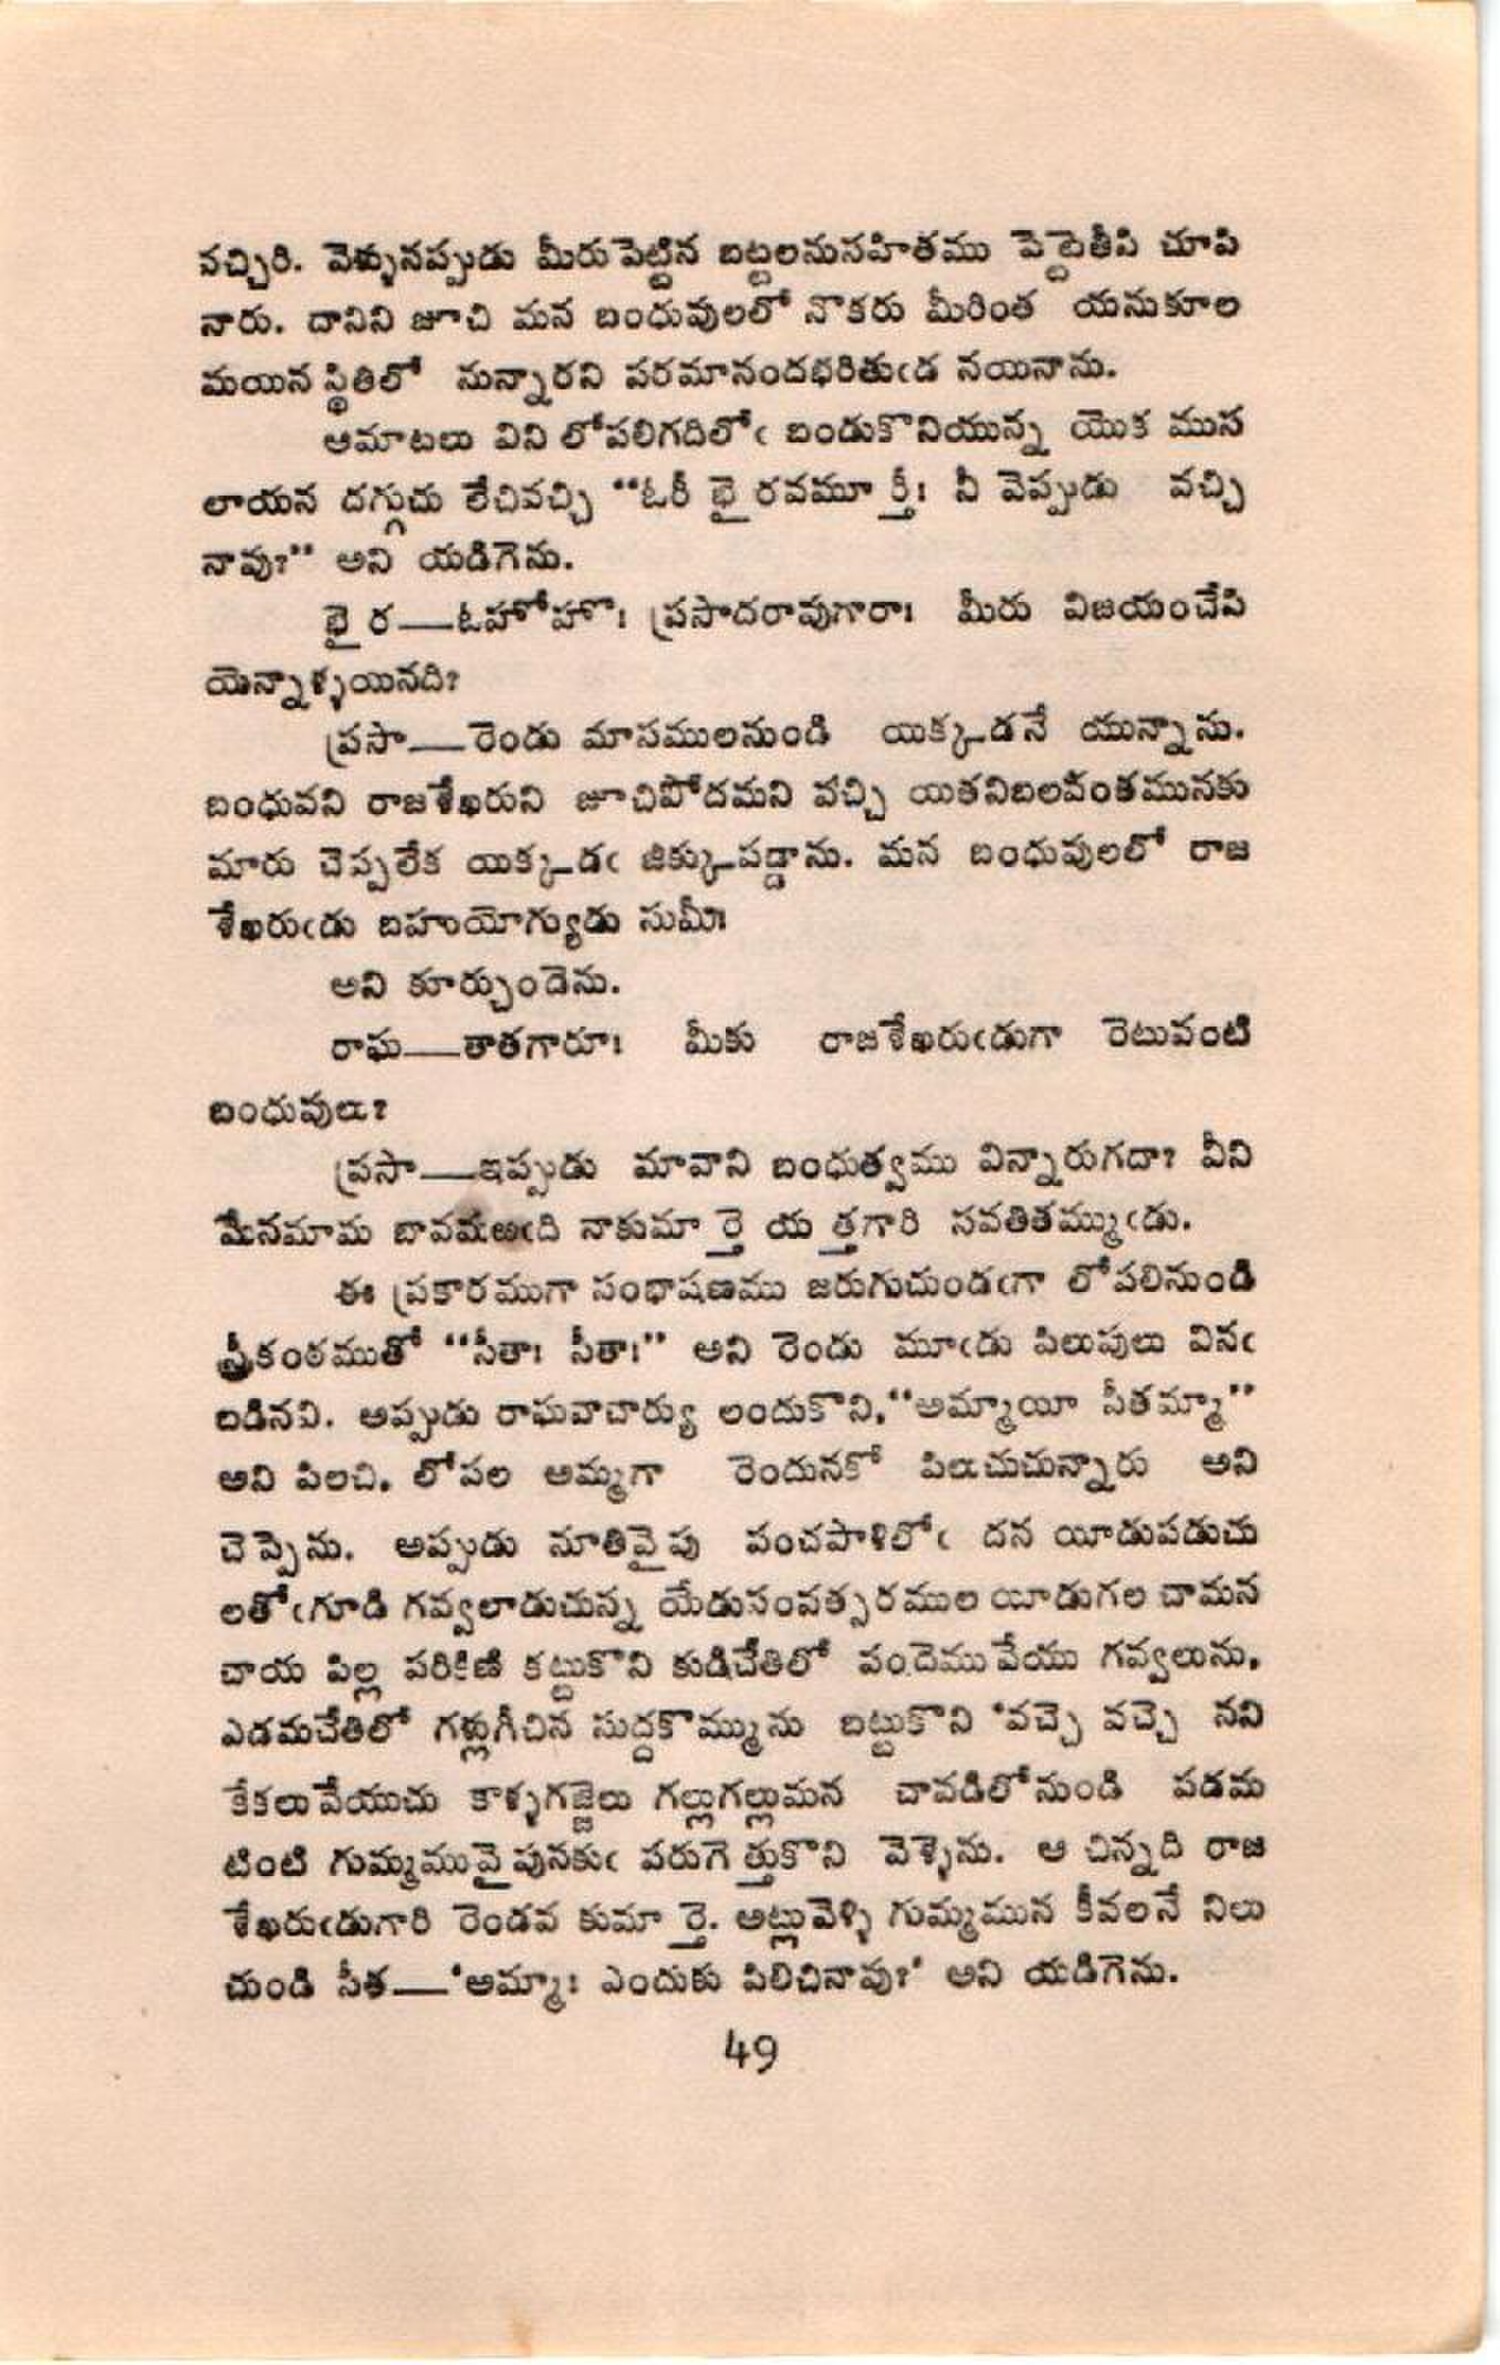వచ్చిరి. వెళ్ళునప్పడు మీరు పెట్టిన బట్టలనుసహితము పెట్టెతీసి చూపి నారు. దానిని జూచి మన బంధువులలో నొకరు మీరింత యనుకూల మయిన స్థితిలో నున్నారని పరమానందభరితుఁడ నయినాను.

ఆమాటలు విని లోపలిగదిలోఁ బండుకొనియున్న యొక మన లాయన దగ్గుచు లేచివచ్చి "ఓరీ భైరవమూర్తీ ! నీవెప్పడు వచ్చి నావు?" అని యడిగెను.

బైర__ఓహోహో! ప్రసాదరావుగారా! మీరు విజయంచేసి యెన్నాళ్ళయినది?

ప్రసా__రెండు మాసములనుండి యిక్కడనే యున్నాను. బంధువని రాజశేఖరుని జూచిపోదమని వచ్చి యితనిబలవంతమునకు మారు చెప్పలేక యిక్కడఁ జిక్కుపడ్డాను. మన బంధువులలో రాజ శేఖరుఁడు బహుయోగ్యుడు సుమీ ! 
అని కూర్చుండెను. 

రాఘ__తాతగారూ! మీకు రాజశేఖరుఁడుగా రెటువంటి బంధువులు ?

ప్రసా__ఇప్పడు మావాని బంధుత్వము విన్నారుగదా? వీని మేనమామ బావమఱది నాకుమార్తె యత్తగారి సవతితమ్ముఁడు.

ఈ ప్రకారముగా సంభాషణము జరుగుచుండఁగా లోపలినుండి స్త్రీ కంఠముతో "సీతా! సీతా! " అని రెండు మూఁడు పిలుపులు వినఁ బడినవి. అప్పడు రాఘవాచార్యు లందుకొని,"అమ్మాయీ సీతమ్మా" అని పిలచి, లోపల అమ్మగా రెందునకో పిలుచుచున్నారు అని చెప్పెను. అప్పడు నూతివైపు పంచపాళిలోఁ దన యీడుపడుచు లతోఁగూడి గవ్వలాడుచున్న యేడు సంవత్సరముల యీడుగల చామన చాయ పిల్ల పరికిణి కట్టుకొని కుడిచేతిలో పందెము వేయు గవ్వలను, ఎడమచేతిలో గళ్లుగీచిన సుద్దకొమ్మును బట్టుకొని 'వచ్చె వచ్చె నవి కేకలువేయుచు కాళ్ళగజ్జలు గల్లగల్లుమన చావడిలోనుండి పడమ టింటి గుమ్మమువైపునకుఁ పరుగెత్తుకొని వెళ్ళెను. ఆ చిన్నది రాజ శేఖరుఁడుగారి రెండవ కుమార్తె. ఆట్లు వెళ్ళి గుమ్మమున కీవలనే నిలు చుండి సీత-"అమ్మా! ఎందుకు పిలిచినావు?" అని యడిగెను.